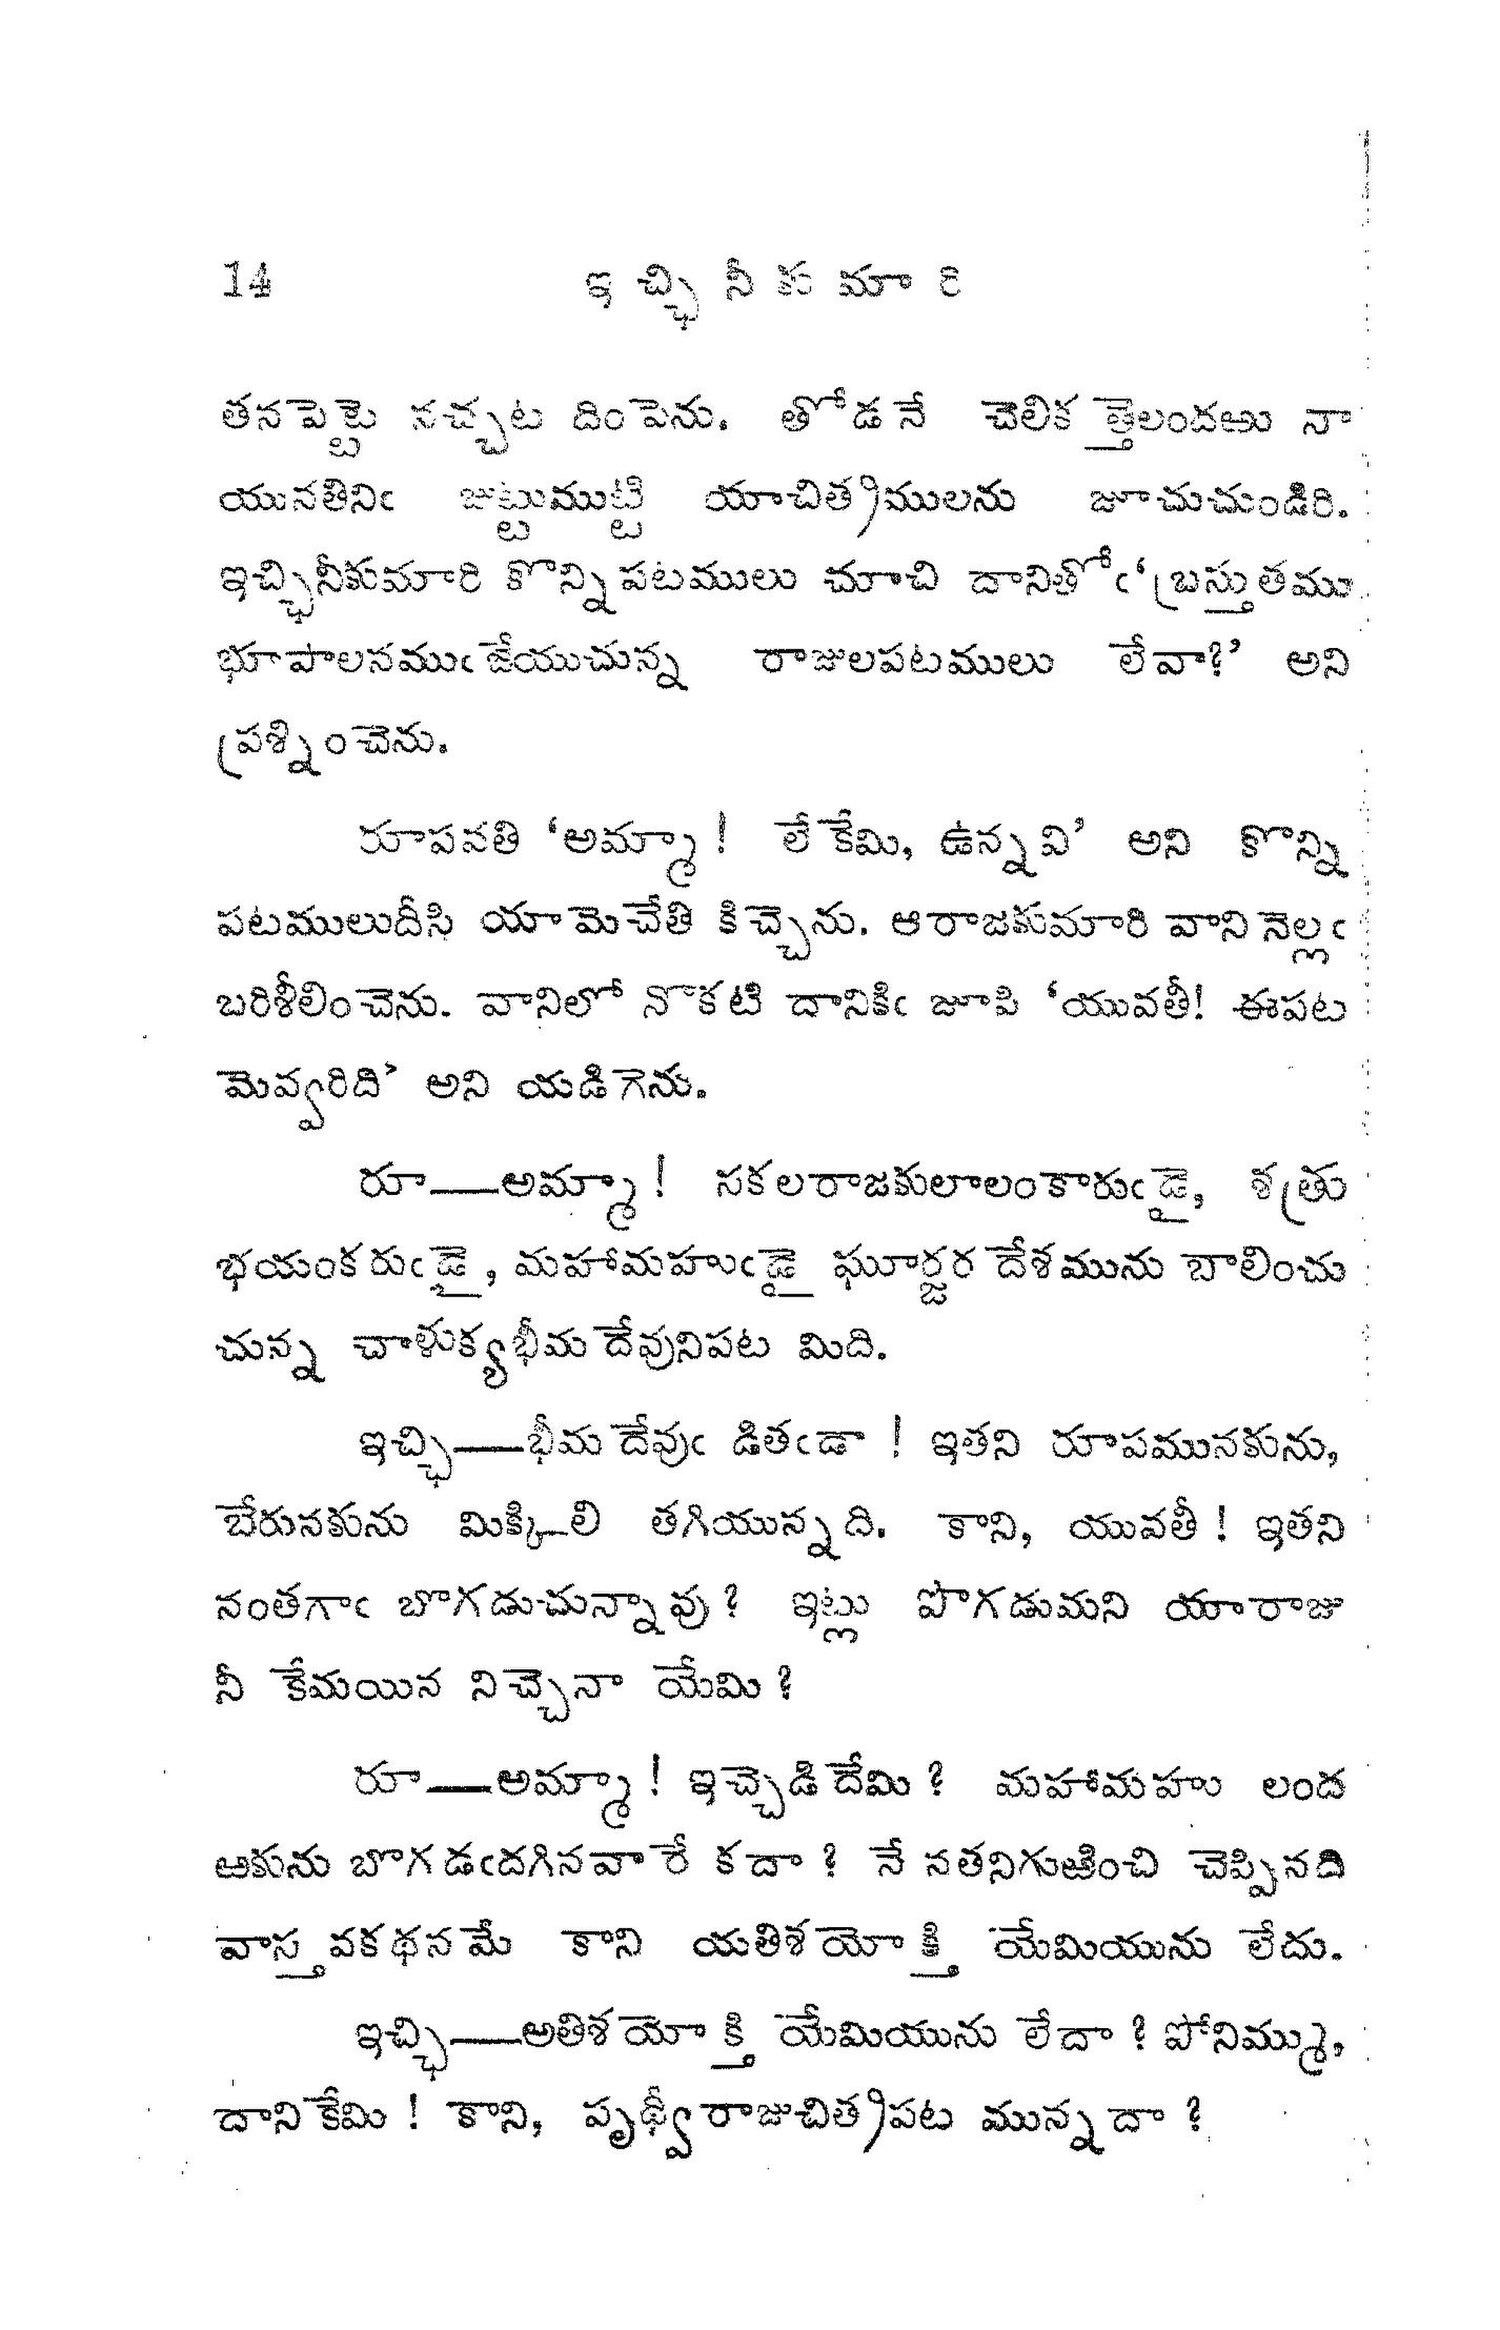జూచుచుండిరి. తన పెట్టె నచ్చట దింపెను. తోడ నే చెలికత్తెలందఱు నా యునతిని జుట్టుముట్టి యాచిత్రములను ఇచ్ఛినీకుమారి కొన్ని పటములు చూచి దానితోఁ బ్రస్తుతము భూపాలనముఁ జేయుచున్న రాజులపటములు లేవా?' అని ప్రశ్నించెను.

రూపనతి 'అమ్మా! లేకేమి, ఉన్నవి' అని కొన్ని పటములుదీసి యామె చేతి కిచ్చెను. ఆ రాజకుమారి వాని నెల్లం బరిశీలించెను. వానిలో నొకటి దానికిఁ జూపి 'యువతీ! ఈపట మెవ్వరిది' అని యడి గెను. రూ—అమ్మా ! సకలరాజకులాలం కారుఁ డై, శత్రు భయంకరుఁడై , మహామహుఁడై ఘూర్జర దేశమును బాలించు చున్న చాళుక్య భీమ దేవునిపట మిది.

ఇచ్ఛి– భీమ దేవుఁ డితఁడా ! ఇతని రూపమునకును, బేరునకును మిక్కిలి తగియున్నది. కాని, యువతీ ! ఇతని నంతగాఁ బొగడుచున్నావు ? ఇట్లు పొగడుమని యారాజు నీ కేమయిన నిచ్చెనా యేమి ?

రూ—అమ్మా ! ఇచ్చెడి దేమి ? మహామహు లంద ఱకును బొగడఁదగినవారే కదా ? నే నతని గుఱించి చెప్పినది వాస్త వకథనమే కాని యతిశయోక్తి యేమియును లేదు. ఇచ్ఛి అతిశయోక్తి యేమియును లేదా ? పోనిమ్ము, దాని కేమి ! కాని, పృథ్వీరాజు చిత్రపట మున్నదా ?